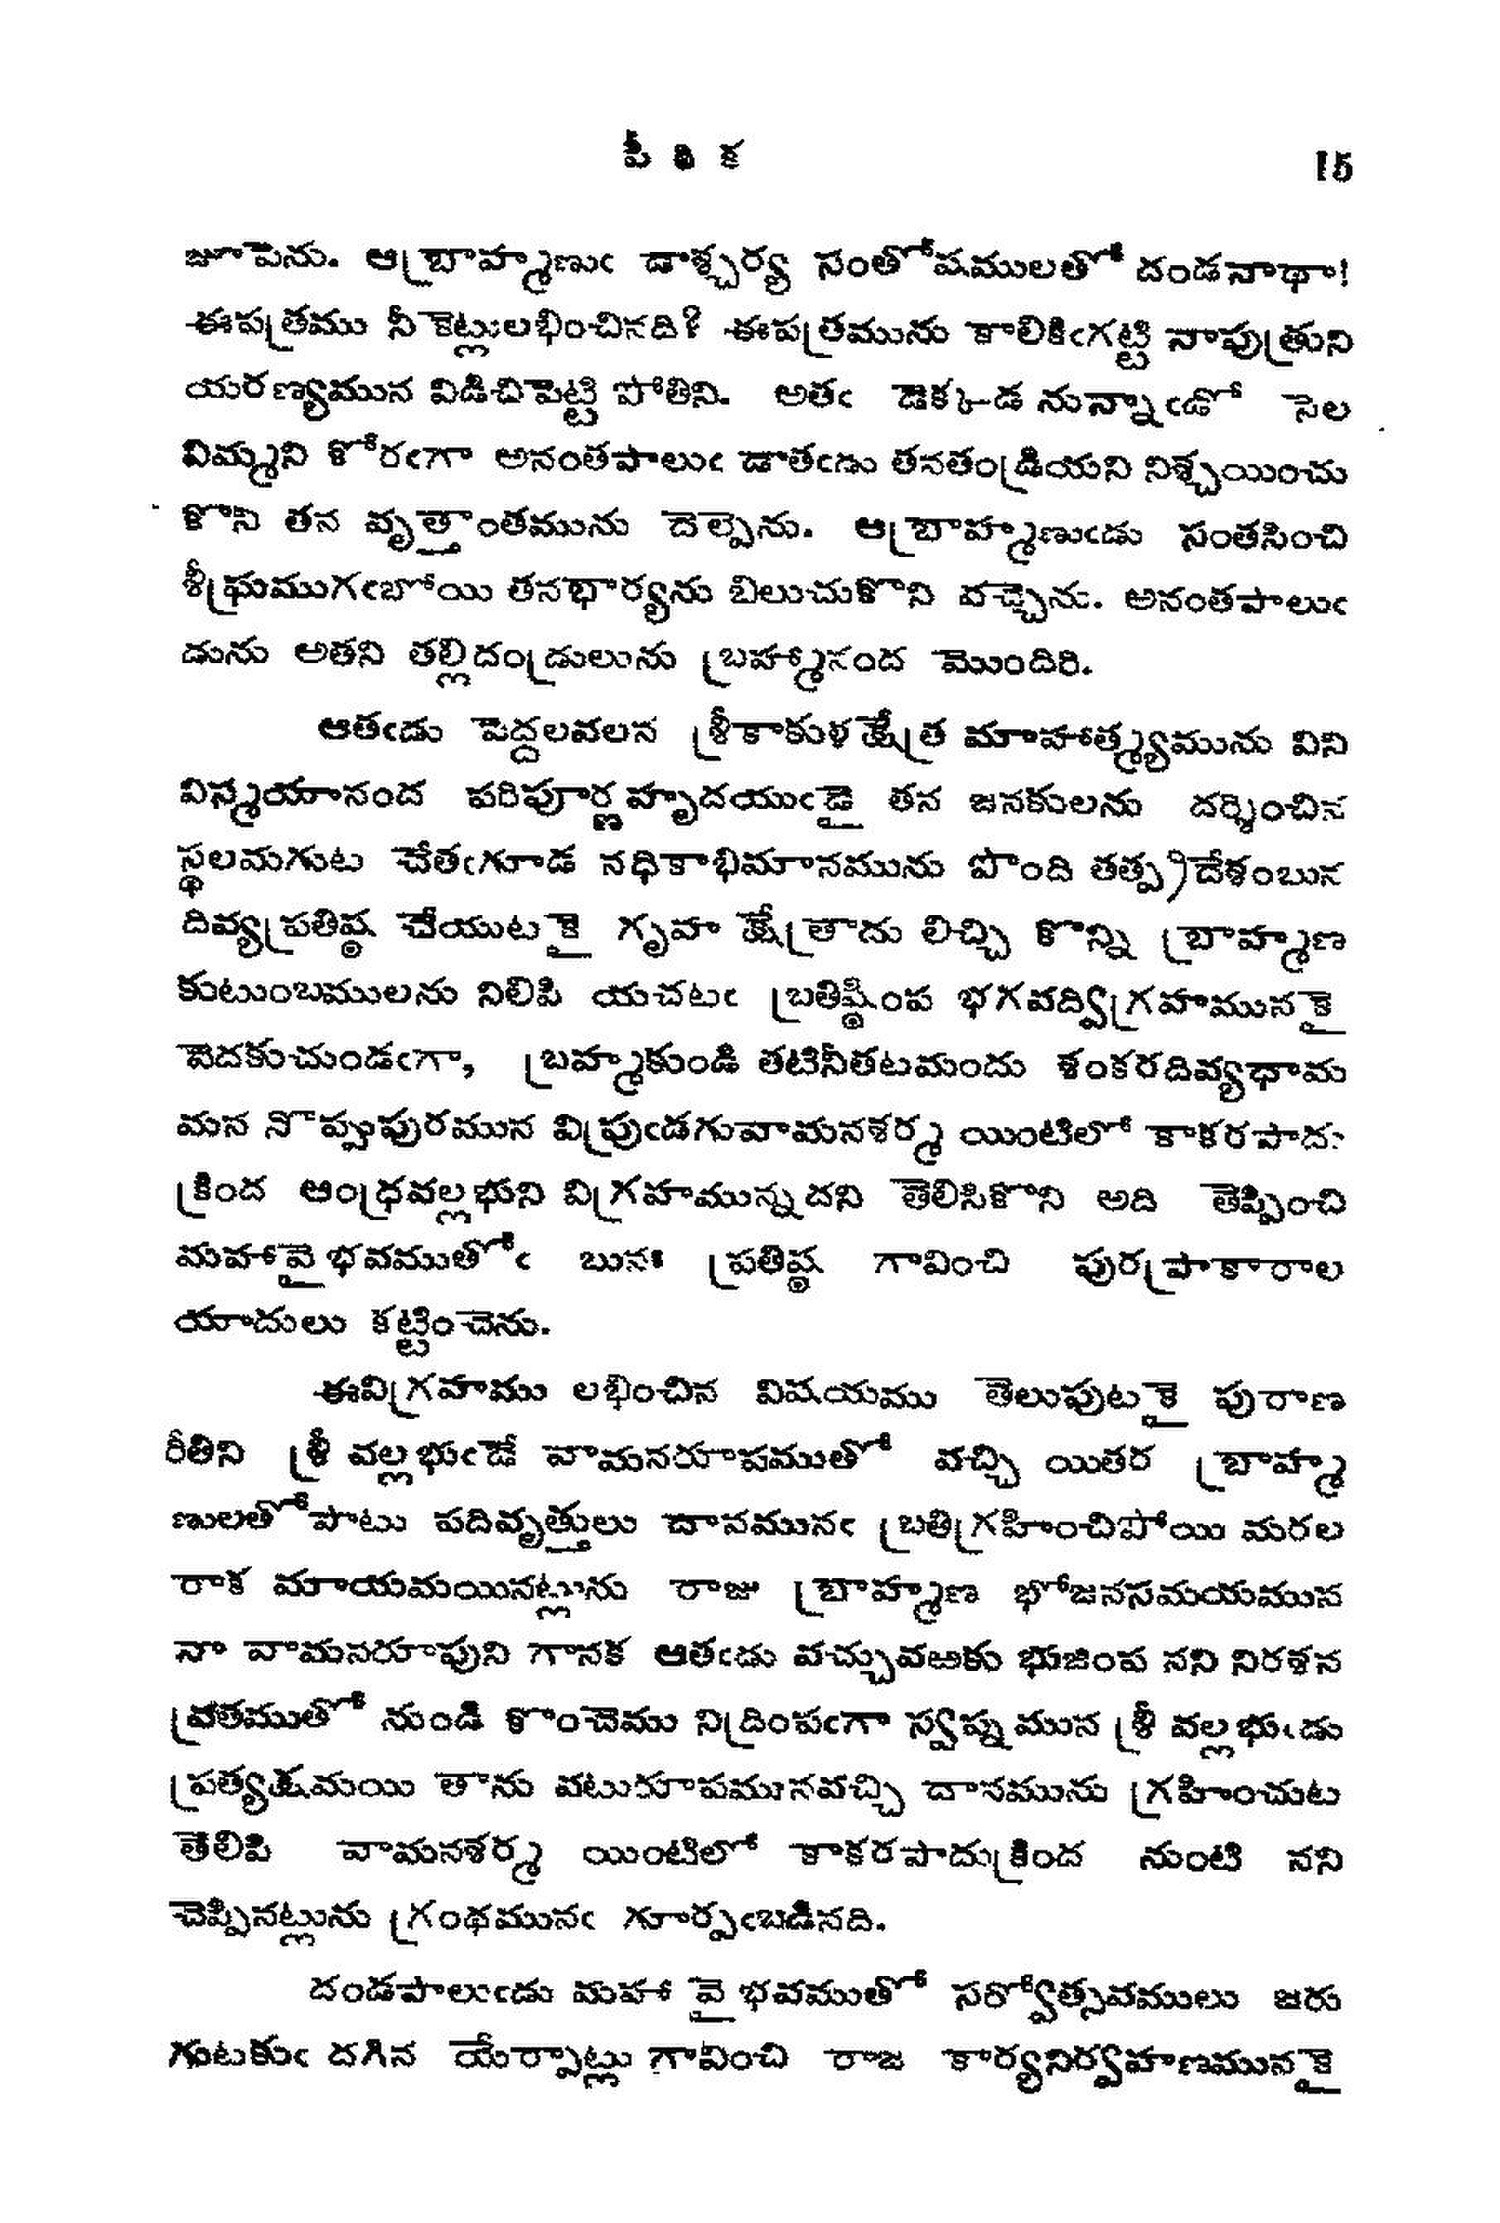జూపెను. ఆ బ్రాహ్మణుఁ డాశ్చర్య సంతోషములతో దండనాథా! ఈపత్రము నీ కెట్లులభించినది? ఈ పత్రమును కాలికిఁగట్టి నాపుత్రుని యరణ్యమున విడిచిపెట్టి పోతిని. అతఁ డెక్కడ నున్నాఁడో సెలవిమ్మని కోరఁగా అనంతపాలుఁ డాతఁడు తనతండ్రియని నిశ్చయించుకొని తన వృత్తాంతమును దెల్పెను. ఆబ్రాహ్మణుఁడు సంతసించి శీఘ్రముగఁబోయి తనభార్యను బిలుచుకొని వచ్చెను. అనంతపాలుఁడును అతని తల్లిదండ్రులును బ్రహ్మానంద మొందిరి.

ఆతఁడు పెద్దలవలన శ్రీకాకుళ క్షేత్ర మాహాత్మ్యమును విని విస్మయానంద పరిపూర్ణ హృదయుఁడై తన జనకులను దర్శించిన స్థలమగుట చేతఁగూడ నధికాభిమానమును పొంది తత్ప్ర దేశంబున దివ్యప్రతిష్ఠ చేయుటకై గృహ క్షేత్రాదు లిచ్చి కొన్ని బ్రాహ్మణ కుటుంబములను నిలిపి యచటఁ బ్రతిష్ఠింప భగవద్విగ్రహమునకై వెదకుచుండఁగా, బ్రహ్మకుండి తటినీ తటమందు శంకరదివ్యధామ మన నొప్పుపురమున విప్రుఁడగువామనశర్మ యింటిలో కాకరపాదు క్రింద ఆంధ్రవల్లభుని విగ్రహమున్నదని తెలిసికొని అది తెప్పించి మహావైభవముతోఁ బునః ప్రతిష్ఠ గావించి పురప్రాకారాల యాదులు కట్టించెను.

ఈవిగ్రహము లభించిన విషయము తెలుపుటకై పురాణ రీతిని శ్రీ వల్లభుఁడే వామనరూపముతో వచ్చి యితర బ్రాహ్మణులతో పాటు పదివృత్తులు దానమునఁ బ్రతిగ్రహించిపోయి మరల రాక మాయమయినట్లును రాజు బ్రాహ్మణ భోజనసమయమున
నా వామనరూపుని గానక ఆతఁడు వచ్చువఱకు భుజింప నని నిరశన వ్రతముతో నుండి కొంచెము నిద్రింపఁగా స్వప్నమున శ్రీ వల్లభుఁడు ప్రత్యక్షమయి తాను వటుకూపమున వచ్చి దానమును గ్రహించుట తెలిపి వామనశర్మ యింటిలో కాకరపాదు క్రింద నుంటి నని చెప్పినట్లును గ్రంథమునఁ గూర్పఁబడినది.

దండపాలుఁడు మహా వైభవముతో సర్వోత్సవములు జరుగుటకుఁ దగిన యేర్పాట్లు గావించి రాజ కార్యనిర్వహణమునకై